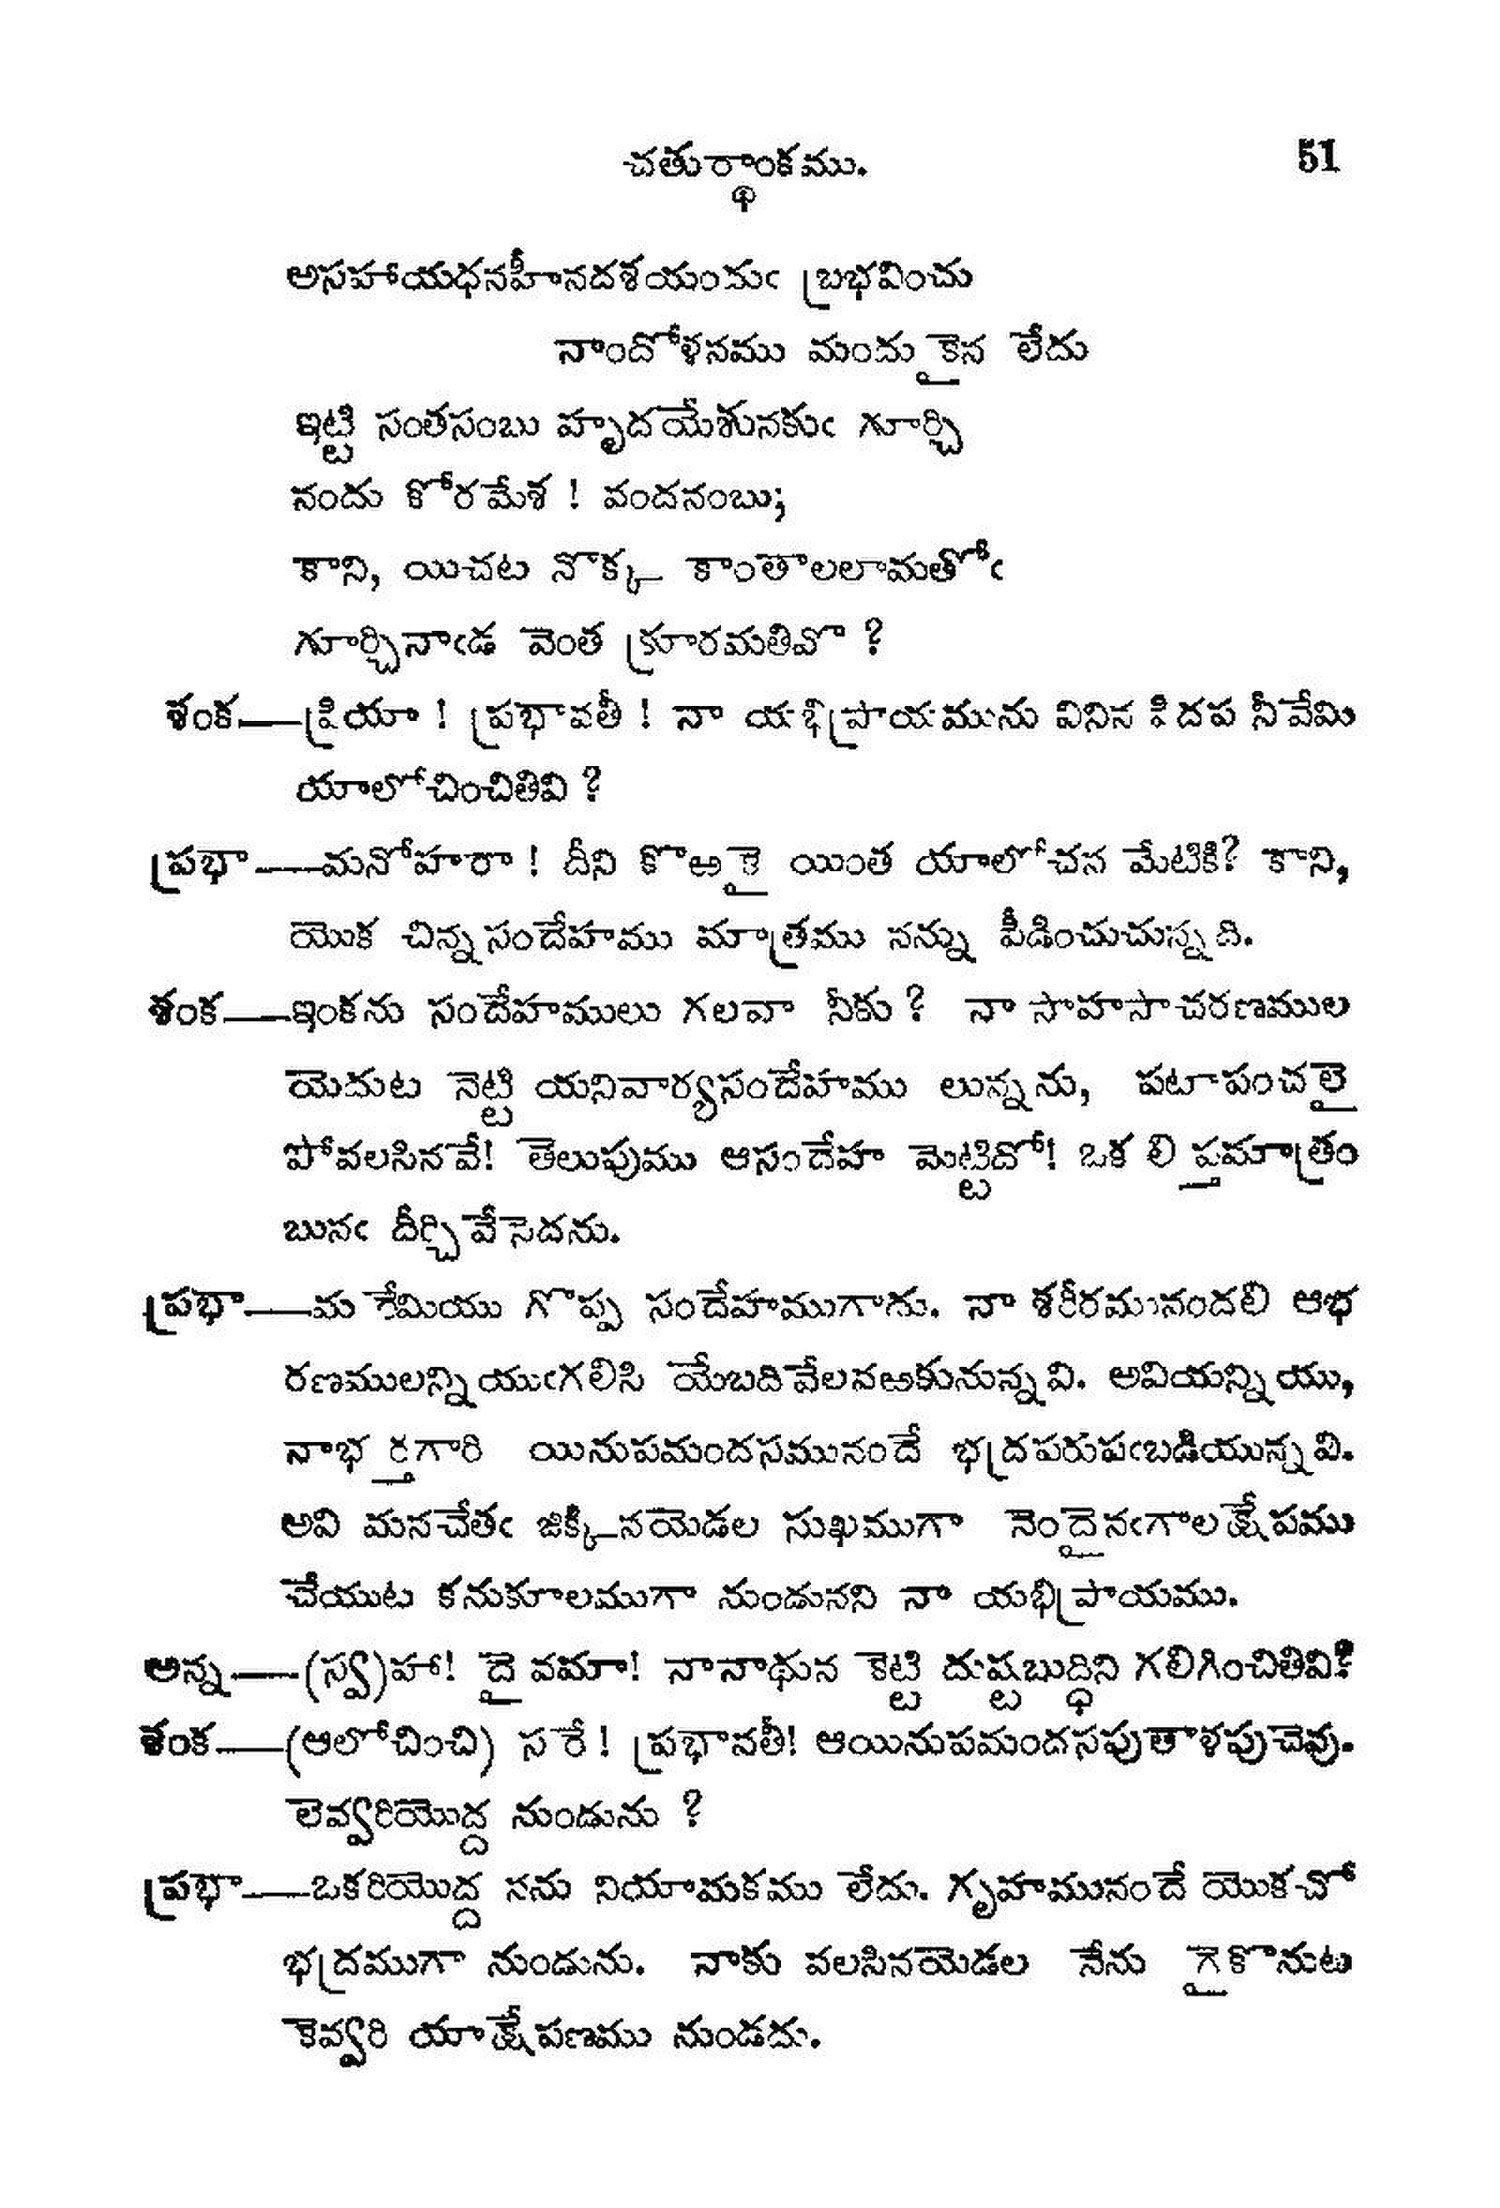అసహాయధనహీనదశయందుఁ బ్రభవించు
 నాందోళనము మందు కైన లేదు

 ఇట్టి సంతసంబు హృదయేశునకుఁ గూర్చి
 నందు కోరమేశ ! వందనంబు;
 కాని, యిచట నొక్క కాంతాలలామతోఁ
 గూర్చినాఁడ వెంత క్రూరమతివొ ?
శంక – ప్రియా ! ప్రభావతీ ! నా యభిప్రాయమును వినిన పిదప నీవేమి యాలోచించితివి?

ప్రభా -- మనోహరా ! దీని కొఱకై యింత యాలోచన మేటికి? కాని, యొక చిన్నసందేహము మాత్రము నన్ను పీడించుచున్నది.

శంక - ఇంకను సందేహములు గలవా నీకు? నా సాహసాచరణముల యెదుట నెట్టి యనివార్య సందేహము లున్నను, పటాపంచలై పోవలసినవే! తెలుపుము ఆసందేహ మెట్టిదో! ఒక లిప్తమాత్రంబునఁ దీర్చివేసెదను.

ప్రభా - మరేమియు గొప్ప సందేహముగాదు. నా శరీరమునందలి ఆభరణములన్నియుఁగలిసి యేబదివేలవఱకునున్నవి. అవియన్నియు, నాభర్తగారి యినుపమందసమునందే భద్రపరుపఁబడియున్నవి. అవి మనచేతఁ జిక్కినయెడల సుఖముగా నెందైనఁగాలక్షేపము చేయుట కనుకూలముగా నుండునని నా యభిప్రాయము.

అన్న - (స్వ)హా! దైవమా! నానాథున కెట్టి దుష్టబుద్ధిని గలిగించితివి?

శంక - (ఆలోచించి) సరే! ప్రభావతీ! ఆయినుపమందసపుతాళపుచెవు లెవ్వరియొద్ద నుండును ?

ప్రభా -- ఒకరియొద్ద నను నియామకము లేదు. గృహమునందే యొకచో భద్రముగా నుండును. నాకు వలసినయెడల నేను గైకొనుట కెవ్వరి యాక్షేపణము నుండదు.